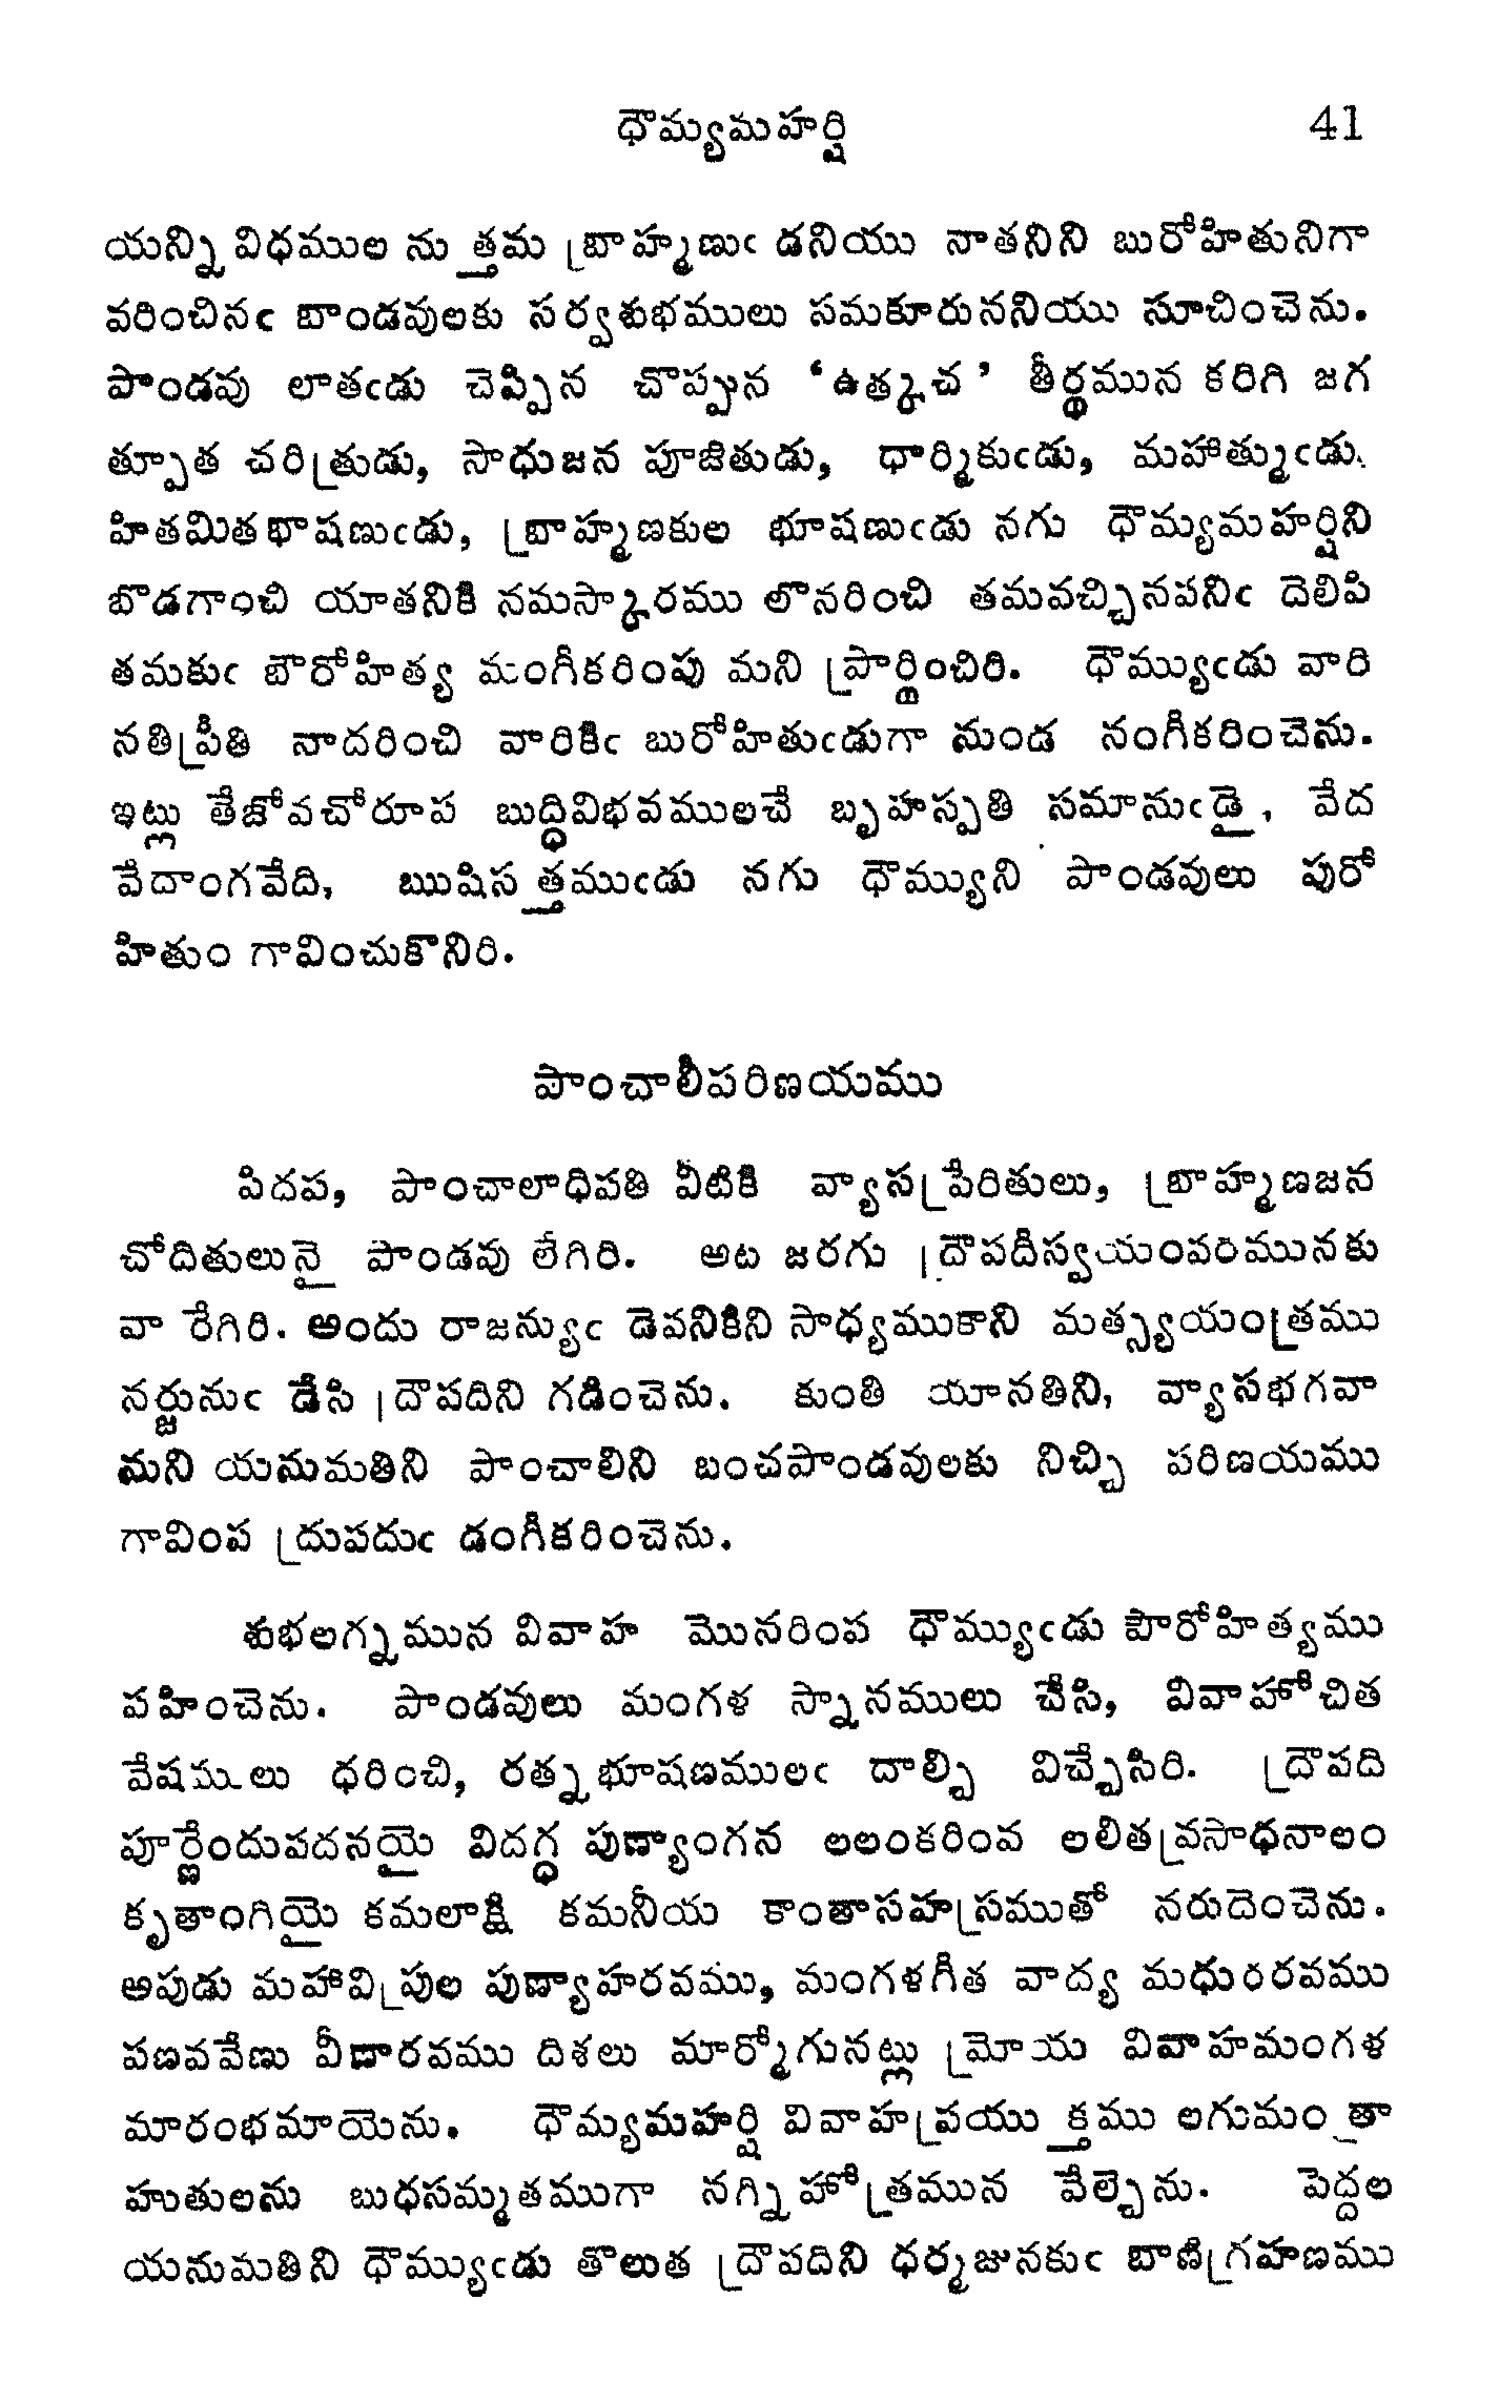యన్ని విధముల నుత్తమ బ్రాహ్మణుఁ డనియు నాతనిని బురోహితునిగా వరించినఁ బాండవులకు సర్వశుభములు సమకూరుననియు సూచించెను. పొండవు లాతఁడు చెప్పిన చొప్పున ‘ఉత్కచ' తీర్థమున కరిగి జగత్పూత చరిత్రుడు, సాధుజన పూజితుడు, ధార్మికుఁడు, మహాత్ముఁడు. హితమితభాషణుఁడు, బ్రాహ్మణకుల భూషణుఁడు నగు ధౌమ్యమహర్షిని బొడగాంచి యాతనికి నమస్కారము లొనరించి తమవచ్చినపనిఁ దెలిపి తమకుఁ బౌరోహిత్య మంగీకరింపు మని ప్రార్థించిరి. ధౌమ్యుఁడు వారి నతిపిరితి నాదరించి వారికిఁ బురోహితుఁడుగా నుండ నంగీకరించెను. ఇట్లు తేజోవచోరూప బుద్ధివిభవములచే బృహస్పతి సమానుఁడై , వేద వేదాంగవేది, ఋషిసత్తముఁడు నగు ధౌమ్యుని పాండవులు పురోహితుం గావించుకొనిరి.

పాంచాలీపరిణయము 

పిదప, పాంచాలాధిపతి వీటికి వ్యాసప్రేరితులు, బ్రాహ్మణజన చోదితులునై పాండవు లేగిరి. అట జరగు ద్రౌపదీస్వయంవరమునకు వా రేగిరి. అందు రాజన్యుఁ డెవనికిని సాధ్యముకాని మత్స్యయంత్రము నర్జునుఁ డేసి ద్రౌపదిని గడించెను. కుంతి యానతిని, వ్యాసభగవానుని యనుమతిని పాంచాలిని బంచపాండవులకు నిచ్చి పరిణయము గావింప ద్రుపదుఁ డంగీకరించెను.

శుభలగ్నమున వివాహ మొనరింప ధౌమ్యుఁడు పౌరోహిత్యము వహించెను. పాండవులు మంగళ స్నానములు చేసి, వివాహోచిత వేషములు ధరించి, రత్నభూషణములఁ దాల్బి విచ్చేసిరి. ద్రౌపది పూర్ణేందువదనయై విదగ్ధ పుణ్యాంగన లలంకరింవ లలితప్రసాధనాలంకృతాంగియై కమలాక్షి కమనీయ కాంతాసహస్రముతో నరుదెంచెను. అపుడు మహావిప్రుల పుణ్యాహరవము, మంగళగీత వాద్య మధురరవము పణవవేణు వీణారవము దిశలు మార్మోగునట్లు మ్రోయ వివాహమంగళ మారంభమాయెను. ధౌమ్యమహర్షి వివాహప్రయుక్తము లగుమంత్రా హుతులను బుధసమ్మతముగా నగ్నిహోత్రమున వేల్బేను. పెద్దల యనుమతిని ధౌమ్యుఁడు తొలుత ద్రౌపదిని ధర్మజునకుఁ బాణిగ్రహణము